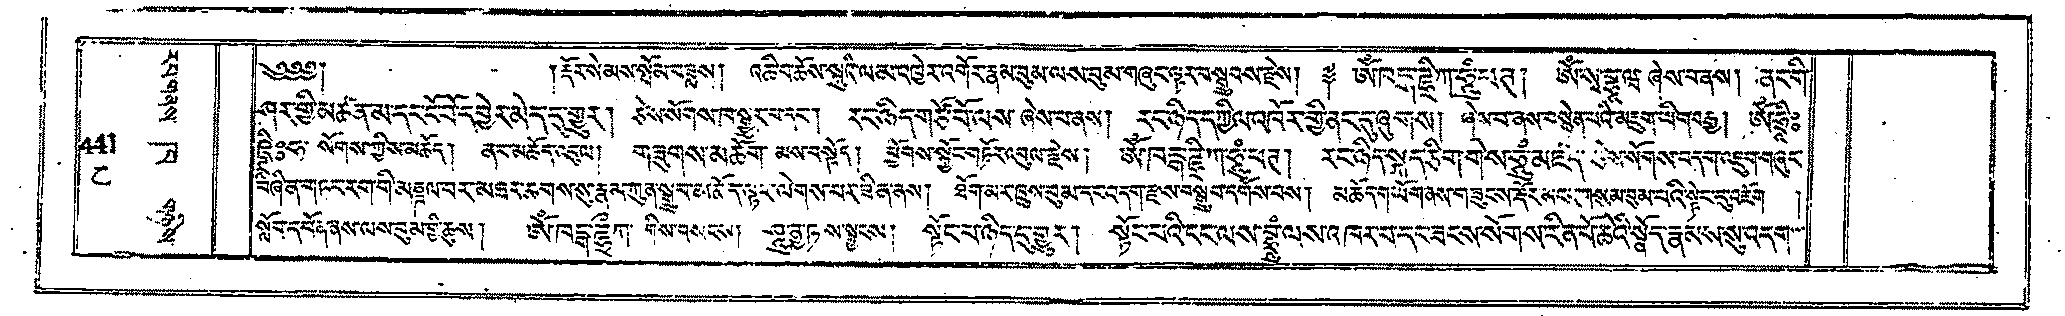༄༅༅། །རྡོར་སེམས་སྒོམ་བཟླས། འཆི་བ་ཆོས་སྐུའི་ལམ་འཁྱེར་འགོར་རྣམ་བུམ་ལས་བུམ་གཞུང་ལྟར་བསྒྲུབས་རྗེས། འ་ཨོཾ་ཁངྒ་ཌྷྲིཀ་ཧཱུཾ་ཕཊ། ཨོཾ་སྭ་བྷཱ་ཝ་ཞེས་པ་ནས།  ནང་གི་
ཤར་གྱི་མཚན་མ་དང་ངོ་བོ་དབྱེར་མེད་དུ་གྱུར། ཅེས་སོགས་ཁ་སྒྱུར་པ་དང་།  རང་ཉིད་གཙོ་བོ་ལས་ཞེས་པ་ནས།  རང་ཉིད་དཀྱིལ་འཁོར་གྱི་ནང་དུ་ཞུགས། ཞེས་པ་ནས་བསྙེན་པའི་མཇུག་ཡིག་བརྒྱ།  ཨོཾ་ཧྲཱིཿ
ཥྚཱིཿ ཧ་སོགས་ཀྱིས་མཆོད། ནང་མཆོད་འབུལ།  གཟུགས་མཆོག་མས་བསྟོད། ཕྱོགས་སྐྱོན་གཏོར་འབུལ་རྗེས།  ཨོཾ་ཁངྒ་ཌྷྲིཀ་ཧཱུཾ་ཕཊ། རང་ཉིད་སྐད་ཅིག་གིས་ཧཱུཾ་མཛད་ཅེས་སོགས་བདག་འཇུག་གཞུང་
བཞིན་གཏང་རག་གི་མཎྜལ་བར་མཐར་ཆགས་སུ་རྣམ་ཀུན་སྒྲུབ་མཆོད་ལྟར་ལེགས་པར་ཟིན་ནས། ཐོག་མར་ཁྲུས་བུམ་དང་འདག་རྫས་བསྒྲུབ་དགོས་པས། མཆོད་གཡོག་ནས་གཟུངས་རྡོར་མངར་གསུམ་བུམ་པའི་སྟེང་དུ་འཇོག །
སློབ་དཔོན་ནས་ལས་བུམ་གྱི་ཆུས། ཨོཾ་ཁངྒ་ཌཿརྀཀ་གིས་བསངས།  ཤཱུ་ནྱ་ཏས་སྦྱངས།  སྟོང་པ་ཉིད་དུ་གྱུར། སྟོང་པའི་ངང་ལས་བྷྲཱུཾ་ལས་འཁར་བ་དང་ཟངས་སོགས་རིན་པོ་ཆེའི་སྣོད་རྣམས་སུ་འདག་